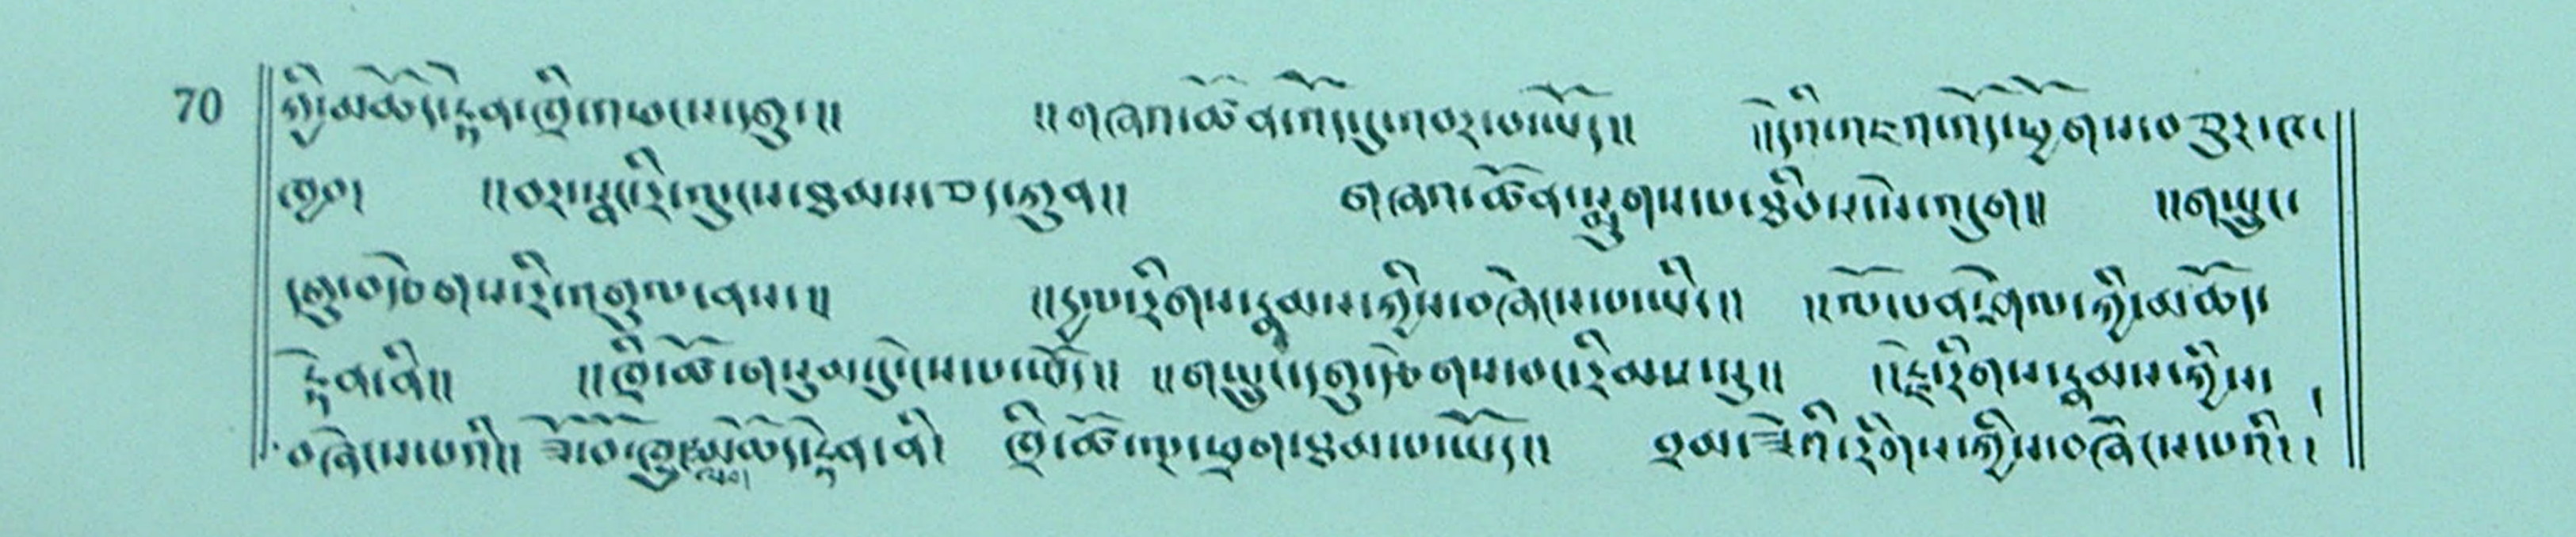མཆོད་རྟེན་ཁྲི་འཕང་དགུ། གཞའ་ཚོན་འོད་དུ་འབར་བ་ཡོད། དེ་ཡི་གཞའ་འོད་ཕྱོགས་བཅུར་
ཁྱབ། བར་སྣང་རི་ལུང་ཐམས་ཅད་ཀུན། གཞའ་ཚོན་སྨུག་པ་ཐིབས་སེ་འདུག གཡུང་དྲུང་
དགུ་བརྩེགས་རི་འགུལ་ནས། རྒྱལ་རིགས་རྣམས་ཀྱིས་བཞེངས་པ་ཡིད། ལོ་པན་ཤེལ་གྱི་མཆོད་
རྟེན་ནི། ཁྲི་ཚོ་གསུམ་དུ་ངེས་པ་ཡོད། གཡུང་དྲུང་དགུ་བརྩེགས་བང་རིམ་དུ། རྗེའུ་རིགས་རྣམས་ཀྱིས་
བཞེངས་པའི། ཟོ་བོ་ཁྱུང་ལག་མཆོད་རྟེན་ནི། ཁྲི་ཚོ་ལྔ་ཕྲག་ཐམ་པ་ཡོད། བྲམ་ཟེའི་རིགས་ཀྱིས་བཞེངས་པའི།